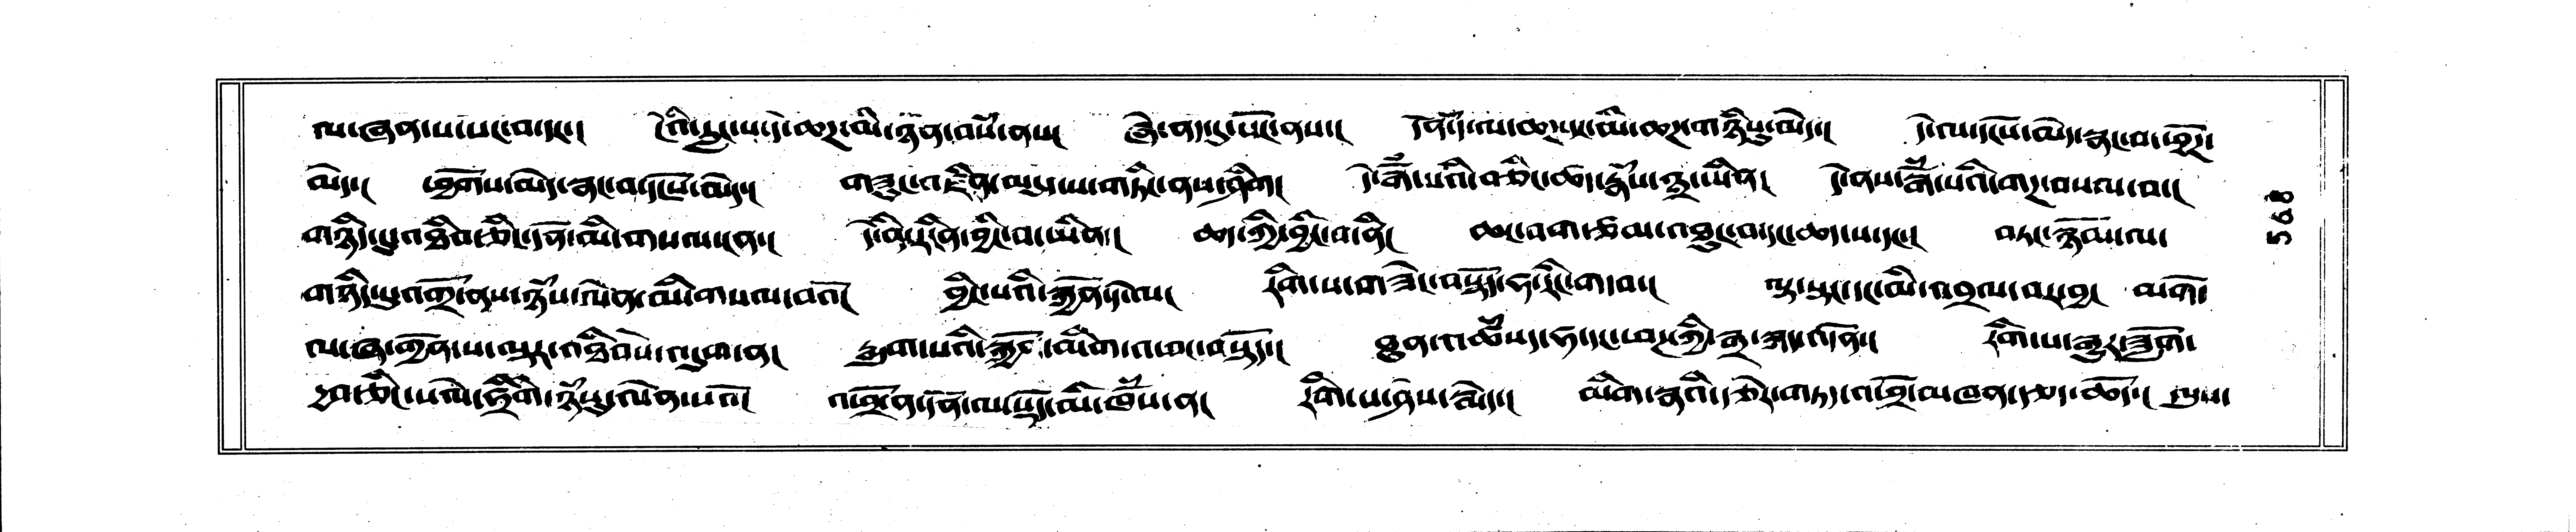ལ་ཞེན་པ་སོང་བ་དང་། ཁ་ཡི་བླངས་པ་དང་དེ་ཆག་མི་ཉན་བསམ་ནས། ཞེ་ནད་དུ་སོང་ནས། དོན་དམ་པ་ལ་ཆགས་དང་མི་ཆགས་གཉིས་སུ་མེད། དེ་ལ་དངོས་མེད་སྣང་བ་ཕྱོགས་
མེད། ཕྱོགས་མེད་སྣང་བ་གདོས་མེད། གཟུང་འཛིན་མདུད་པ་གཏིང་ནས་ཤེས། འཛིན་མེད་ཤེས་པ་སལེ་ཞོག དེ་སྒོམ་པའི་བཅིང་ཚད་རྣམས་གསུམ་ཡིན། དེ་ནས་སྒོམ་པའི་གག་བསལ་བ། 
གཉིད་དུ་འཐིབ་ཅིང་དོན་མི་གསལ་ནས། དེ་ནི་རང་བཞིན་བྱིང་པ་ཡིན། ཆད་ཀྱི་བྱིང་པ་ནི། ཆང་བག་ཙམ་འཐུང་པ་དང་ཆད་པ་དང་། བཏང་སྙོམས་ལ་
གཉིད་དུ་འགྲོ་ནས་ཉམས་ལེན་མི་གསལ་བའོ། བྱིང་པོའི་སྐྱོན་དེ་ལ། རིག་པ་གཟིངས་བསྟོད་ཧ་རིང་གདབ། ལྟ་སྟངས་དང་མི་འབྲལ་པར་བྱ། མགོ་
ལ་ཞྭ་གྱོན་པ་ལྟར་འཐིབས་སེ་འདུག་ན། རྨུག་པའི་སྐྱོན་མིག་འཕང་བསྟོད། ཐུན་མཚམས་བཅད་ཧ་དང་ཕཊ་ཀྱི་སྒྲ་སྐད་འདོན་ རིག་པ་སྒྱུར་བཟློག་
རྒྱབ་ཅིང་སལེ་ཧྲིག་གེ་ཉམས་སུ་ལེན་པའོ། འཕྲོ་ན་དོན་ལ་སྡོད་མི་ཁམས་ན། རིག་པ་ཤེས་༼ཤེད༽སྨེད། མིག་སྣའི་རྩེར་གཏད་འཕྲོ་མཁན་རྩད་ཆོད། ལུས་